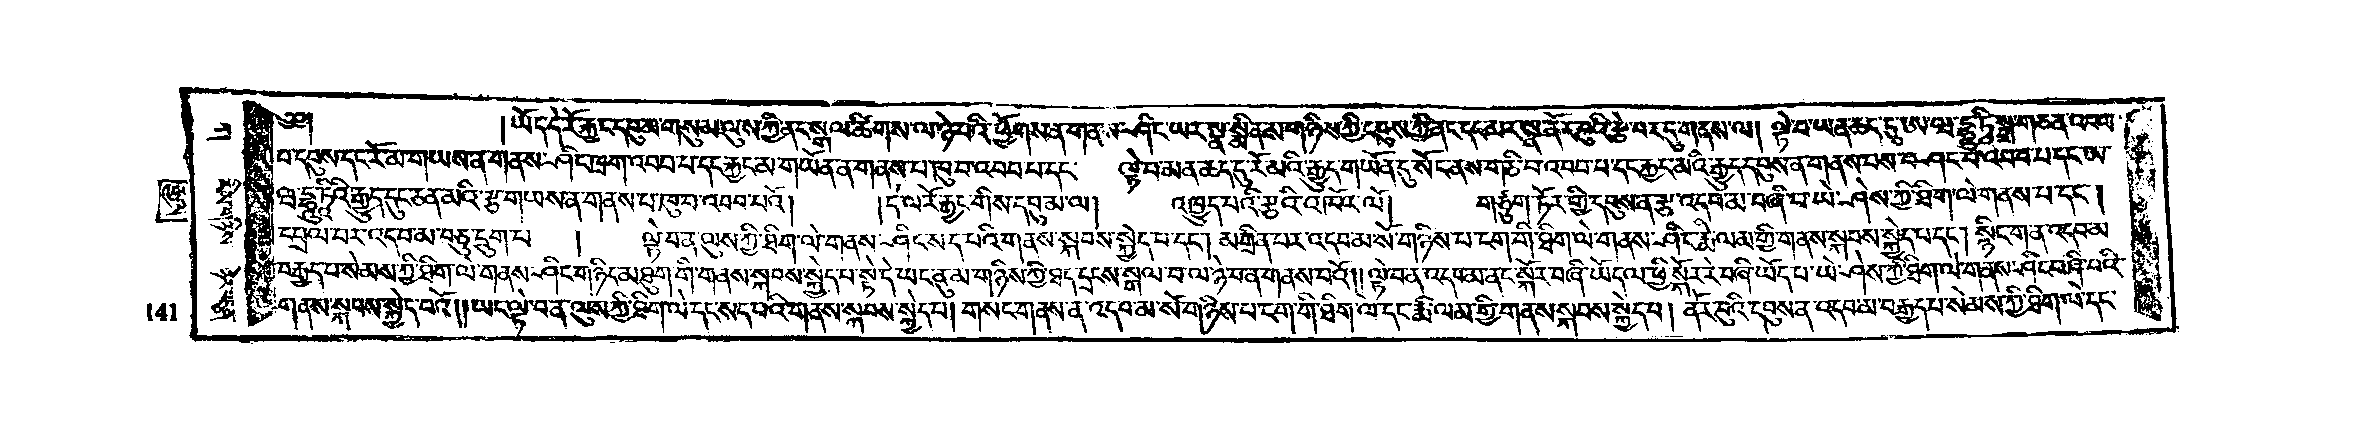༄༅། །ཡོད་དེ་རོ་རྐྱང་དབུ་མ་གསུམ་ལུས་ཀྱི་ནང་སྒལ་ཚིགས་ལ་ཉེ་བའི་ཕྱོགས་ན་གནས་ཤིང་ཡར་སྣ་སྨིན་ས་གཉིས་ཀྱི་དབུས་ཀྱི་ནང་དང་མར་སྣ་ནོར་བུའི་རྩེ་བར་དུ་གནས་ལ། ལྟེ་བ་ཡན་ཆད་དུ་ཨ་ཝ་དྷཱུ་ཏཱི་སྒྲ་གཅན་འབབ་
པ་དབུས་དང་རོ་མ་གཡས་ན་གནས་ཤིང་ཁྲག་འབབ་པ་དང་རྐྱང་མ་གཡོན་ན་གནས་པ་ཁུ་བ་འབབ་པ་དང་། ལྟེ་བ་མན་ཆད་དུ་རོ་མའི་རྒྱུད་གཡོན་དུ་སོང་ནས་གཅི་བ་འབབ་པ་དང་རྐྱང་མའི་རྒྱུད་དབུས་ན་གནས་པས་བཤད་པ་འབབ་པ་དང་ཨ་
ཝ་དྷཱུ་ཏཱིའི་རྒྱུད་དུང་ཅན་མའི་རྩ་གཡས་ན་གནས་པ་ཁུ་བ་འབབ་པའོ། །དེ་ལ་རོ་རྒྱང?་གིས་དབུ་མ་ལ། འཁྱུད་པའི་རྩའི་འཁོར་ལོ། གཙུག་ཏོར་གྱི་དབུས་ན་རྩ་འདབ་མ་བཞི་པ་ཡེ་ཤེས་ཀྱི་ཐིག་ལེ་གནས་པ་དང་།
དཔྲལ་བར་འདབ་མ་བཅུ་དྲུག་པ། ལྟེ་བ་ན་ལུས་ཀྱི་ཐིག་ལེ་གནས་ཤིང་སད་པའི་གནས་སྐབས་སྐྱེད་པ་དང་། མགྲིན་པར་འདབ་མ་སོ་གཉིས་པ་ངག་གི་ཐིག་ལེ་གནས་ཤིང་རྨི་ལམ་གྱི་གནས་སྐབས་སྐྱེད་པ་དང་། སྙིང་ག་ན་འདབ་མ་
བརྒྱད་པ་སེམས་ཀྱི་ཐིག་ལེ་གནས་ཤིང་གཉིད་མཐུག་གི་གནས་སྐབས་སྐྱེད་པ་སྟེ་དེ་ཡང་ནུ་མ་གཉིས་ཀྱི་ཐད་དྲངས་སྒལ་བ་ལ་ཉེ་བ་ན་གནས་པའོ། །ལྟེ་བ་ན་འདབ་མ་ནང་སྐོར་བཞི་ཡོད་ལ་ཕྱི་སྐོར་རེ་བཞི་ཡོད་པ་ཡེ་ཤེས་ཀྱི་ཐིག་ལེ་གནས་ཤིང་བཞི་པའི་
གནས་སྐབས་སྐྱེད་པའོ། །ཡང་ལྟེ་བ་ན་ལུས་ཀྱི་ཐིག་ལེ་དང་སད་པའི་གནས་སྐབས་སྐྱེད་པ། གསང་གནས་ན་འདབ་མ་སོ་གཉིས་པ་ངག་གི་ཐིག་ལེ་དང་རྨི་ལམ་གྱི་གནས་སྐབས་སྐྱེད་པ། ནོར་བུའི་དབུས་ན་འདབ་མ་བརྒྱད་པ་སེམས་ཀྱི་ཐིག་ལེ་དང་